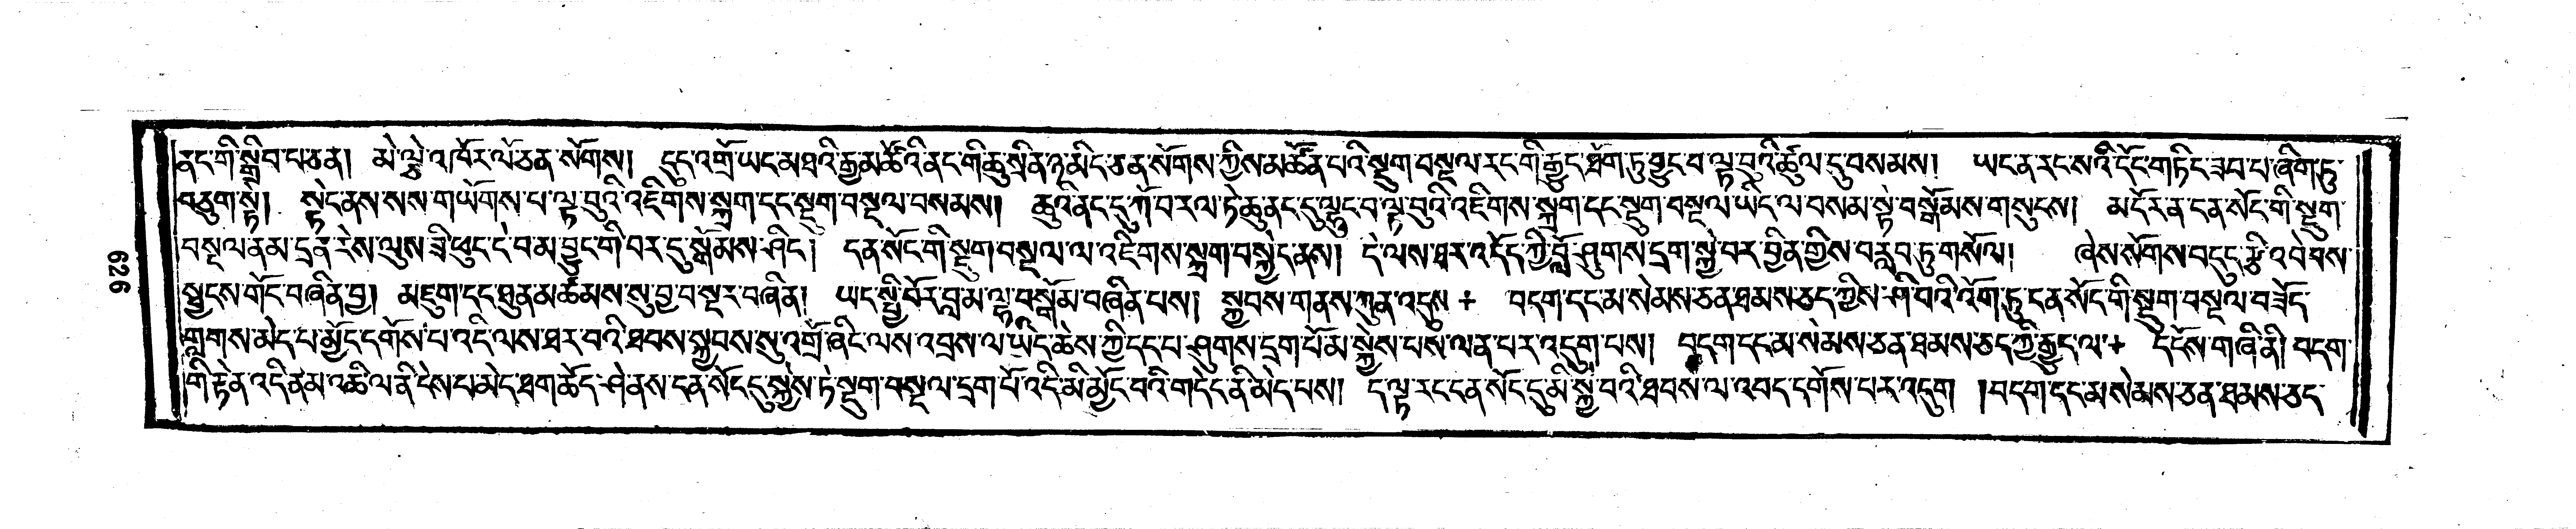ནང་གི་སྒྲིབ་པ་ཅན། མེ་ལྕེ་འཁོར་ལོ་ཅན་སོགས། དུད་འགྲོ་ཡང་མཐའི་རྒྱ་མཚོའི་ནང་གི་ཆུ་སྲིན་ཉ་མིང་ཅན་སོགས་ཀྱིས་མཚོན་པའི་སྡུག་བསྔལ་རང་གི་རྒྱུད་ཐོག་ཏུ་བྱུང་བ་ལྟ་བུའི་ཚུལ་དུ་བསམས། ཡང་ན་རང་སའི་དོང་གཏིང་ཟབ་པ་ཞིག་ཏུ་
བཅུག་སྟེ། སྟེང་ནས་སས་གཡོགས་པ་ལྟ་བུའི་འཇིགས་སྐྲག་དང་སྡུག་བསྔལ་བསམས། ཆུའི་ནང་དུ་ཀོ་བ་རལ་ཏེ་ཆུ་ནང་དུ་ལྷུང་བ་ལྟ་བུའི་འཇིགས་སྐྲག་དང་སྡུག་བསྔལ་ཡིད་ལ་བསམ་སྟེ་བསྒོམས་གསུངས། མདོར་ན་ངན་སོང་གི་སྡུག་
བསྔལ་ནམ་དྲན་རེས་ལུས་ཟི་ཕུང་དེ་བ་མ་བྱུང་གི་བར་དུ་སྒོམས་ཤིང་། ངན་སོང་གི་སྡུག་བསྔལ་ལ་འཇིགས་སྐྲག་བསྐྱེད་ནས། དེ་ལས་ཐར་འདོད་ཀྱི་བློ་ཤུགས་དྲག་སྐྱེ་བར་བྱིན་གྱིས་བརླབ་ཏུ་གསོལ། ཞེས་སོགས་བདུད་རྩི་འབེབས་
སྦྱངས་གོང་བཞིན་བྱ། མཇུག་དང་ཐུན་མཚམས་སུ་བྱ་བ་སྔར་བཞིན། ཡང་སྤྱི་བོར་བླ་མ་ལྷ་བསྒོམ་བཞིན་པས། སྐྱབས་གནས་ཀུན་འདུས་+་བདག་དང་མ་སེམས་ཅན་ཐམས་ཅད་ཀྱིས་ཤི་བའི་འོག་ཏུ་ངན་སོང་གི་སྡུག་བསྔལ་བཟོད་
གླགས་མེད་པ་མྱོང་དགོས་པ་འདི་ལས་ཐར་བའི་ཐབས་སྐྱབས་སུ་འགྲོ་ཞིང་ལས་འབྲས་ལ་ཡིད་ཆེས་ཀྱི་དད་པ་ཤུགས་དྲག་པོ་མ་སྐྱེས་པས་ལན་པར་འདུག་པས། བདག་དང་མ་སེམས་ཅན་ཐམས་ཅད་ཀྱི་རྒྱུད་ལ་+་དངོས་གཞི་ནི། བདག་
གི་རྟེན་འདི་ནམ་འཆི་ལ་ནི་ངེས་པ་མེད་ཐག་ཆོད་ཤེ་ནས་ངན་སོང་དུ་སྐྱེས་ཏེ་སྡུག་བསྔལ་དྲག་པོ་འདི་མི་མྱོང་བའི་གདེང་ནི་མེད་པས། ད་ལྟ་རང་ངན་སོང་དུ་མི་སྐྱེ་བའི་ཐབས་ལ་འབད་དགོས་པར་འདུག །བདག་དང་མ་སེམས་ཅན་ཐམས་ཅད་